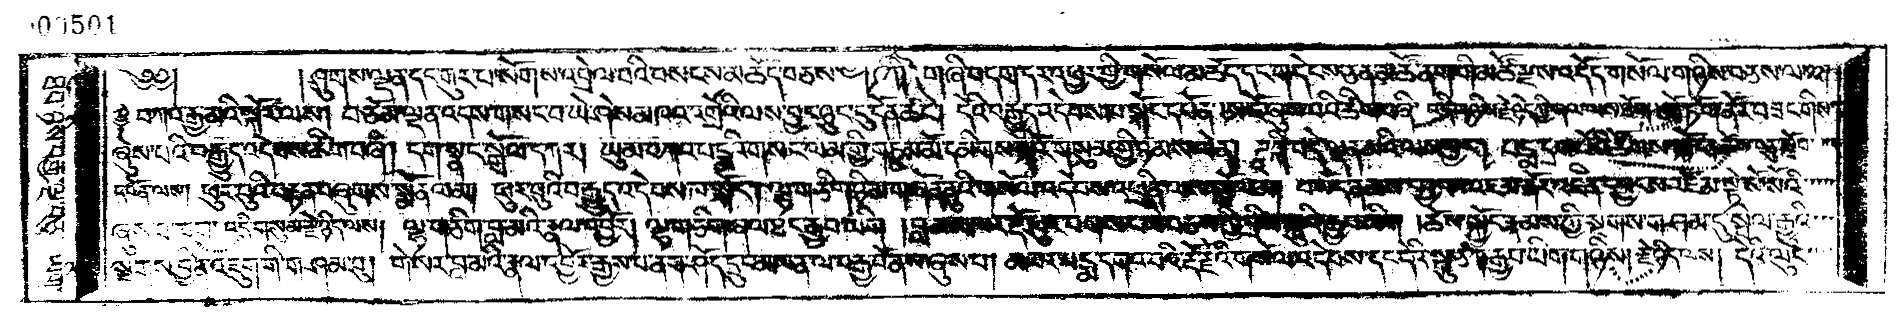༄༅། །ཤུགས་ལྡན་དང་གུར་པ་སོགས་འབྲེལ་བའི་བསངས་མཆོད་བཅས༤། ༼ཀི༽ གཞི་བདག་དར་འཕྱར་གྱི་གསལ་མཆོད་དང་གདེངས་ཅན་མཚོ་ནག་གི་མཚོ་རྫས་འདོད་གསོལ་གཉིས་བཅས་ལ༣།
༈བཀའ་རྒྱ་མའི་སྐོར་ལས། བཅོམ་ལྡན་འདས་གསང་བ་ཡེ་ཤེས་མཁའ་འགྲོའི་ལས་བྱང་ཉུང་དུ་དོན་ཚང་། དེའི་བརྒྱུད་འདེབས་ཁ་སྐོང་དཔོན་ཨ་ཇོ་ཞུས་པའི་ཚིག་བཞི་འདི་གཉིས་རྗེ་ཉིད་ཀྱི་ཞལ་ལས་ཐོབ།  ཨོ་ཏོག་ནོར་བཟང་གིས་
ཞུས་པའི་བརྒྱུད་འདེབས་ཚིག་བཞི། དག་སྣང་སྒྲོལ་དཀར། ཡུམ་བཀའ་པདམའི་གསང་ལམ་གྱི་གཏུམ་མོ་དམིགས་སྐོར་གསུམ་གྱི་ཉམས་ལེན། ཌཱཀྐི་བདེ་ལྡན་མའི་ལས་བྱང་། པདམ་དྲག་པོའི་ཚོགས་སྐོང་། ཚེས་བཅུ་སློབ་
དཔོན་ལས། ཕུར་བུའི་བརྟན་བཞུགས་སྨོན་ལམ། ཕུར་བུའི་བརྒྱུད་འདེབས་ཁ་སྐོང་། ལྷ་གཅིག་ཉི་མ་གཞོན་ནུའི་གསོལ་འདེབས་འཕྲིན་ལས་སྒྲོལ་མ། བསོད་ནམས་དབྱངས་འཇམ་ནོར་འཛིན་དབྱངས་འཛོམ་སྟེ་སོ་སོའི་
ཞུས་པ་ཁག་འདི་གསུམ་རྗེ་ཉིད་ལས། ལྷ་གཅིག་བླ་མའི་རྣལ་འབྱོར། ལྷ་གཅིག་ཞལ་ཐང་རྒྱབ་ཡིག །བླ་མམཁར་རྡོ་ཕུར་བ་གསང་ཡེ་བཅས་ཀྱི་བྲིས་སྐུའི་རྒྱབ་ཡིག །ཆོས་སྐྱོང་རྣམས་ཀྱི་སྔགས་གཤམ་དུ་སྤེལ་རྒྱུའི་
སྔགས་བྱིན་འཇུག་གི་གཤམ་བུ། གསེར་བླ་མའི་རྣལ་འབྱོར་རྒྱས་པ་ནག་ཤོད་དྲུང་མཁན་ལ་བརྒྱ་བོ་ནས་ཞུས་པ། མཁར་པདམ་དགའ་བའི་རྡོ་རྗེའི་གསོལ་འདེབས་དང་དེའི་སྐུ་ཙག་རྒྱབ་ཡིག་གཉིས། རྗེ་ཉིད་ལས། དེའི་ལུང་